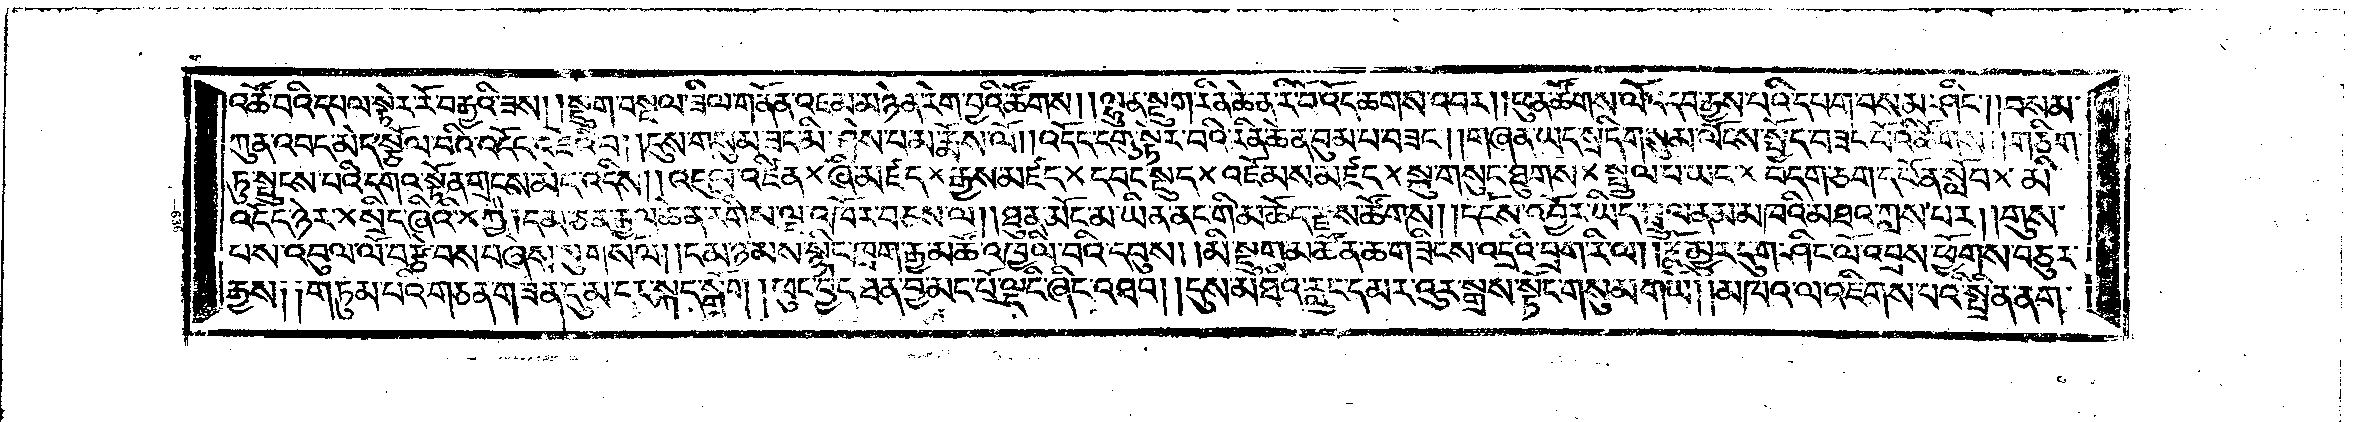འཚོ་བའི་དཔལ་སྟེར་རོ་བརྒྱའི་ཟས། །སྡུག་བསྔལ་ཟིལ་གནོན་འཇམ་མཉེན་རེག་བྱའི་ཚོགས། །ལྷུན་སྡུག་རིན་ཆེན་རི་བོ་འོད་ཆགས་འབར། །ཕུན་ཚོགས་ལོ་འདབ་རྒྱས་པའི་དཔག་བསམ་ཤིང་། །བསམ་
ཀུན་འབད་མེད་སྩོལ་བའི་འདོད་འཇོའི་བ། །དུས་གསུམ་ཟད་མི་ཤེས་བ་མ་རྨོས་ལོ། །འདོད་དགུ་སྟེར་པའི་རིན་ཆེན་བུམ་པ་བཟང་། །གཞན་ཡང་སྲིད་གསུམ་ལོངས་སྤྱོད་བཟང་པོའི་ཚོགས། །གཅིག་
ཏུ་སྤུངས་པའི་དགའ་སྟོན་གྲངས་མེད་འདིས། །འདུལ་འཛིན྾་ཞི་མཛད྾་རྒྱས་མཛད྾་དབང་སྡུད྾་འཇོམས་མཛད྾་སྐུ་གསུང་ཐུགས྾་སྤྲུལ་པ་ཡང྾་བདག་ཅག་དཔོན་སློབ྾་མི་
འདོད་ཉེར྾་སྲིད་ཞིའི྾་ཀྱཻ༑ དམ་ཅན་རྒྱལ་ཆེན་རིགས་ལྔ་འཁོར་བཅས་ལ། །ཐུན་མོང་མ་ཡིན་ནང་གི་མཆོད་རྫས་ཚོགས། །དངོས་འབྱོར་ཡིད་སྤྲུལ་ནམ་མཁའི་མཐའ་ཀླས་པར། །གུས་
པས་འབུལ་ལོ་བརྩེ་བས་བཞེས་སུ་གསོལ། །དམ་ཉམས་སྙིང་ཁྲག་རྒྱ་མཚོ་འཁྱིལ་བའི་དབུས། །མི་སྡུག་མཚོན་ཆ་གཟིངས་འདྲའི་བྲག་རི་ལ། །རྣོ་མྱུར་དུག་ཤིང་ལོ་འབྲས་ཕྱོགས་བཅུར་
རྒྱས༑ ༑གཏུམ་པའི་གཅན་གཟན་དུ་མ་ངར་སྐད་སྒྲོག །ཕུང་བྱེད་ཐན་བྱ་མང་པོ་ལྡིང་ཞིང་འཐབ། །དུས་མཐའི་རླུང་དམར་འུར་སྒྲས་སྟོང་གསུམ་གཡོ། །མཁའ་ལ་འཇིགས་པའི་སྤྲིན་ནག་